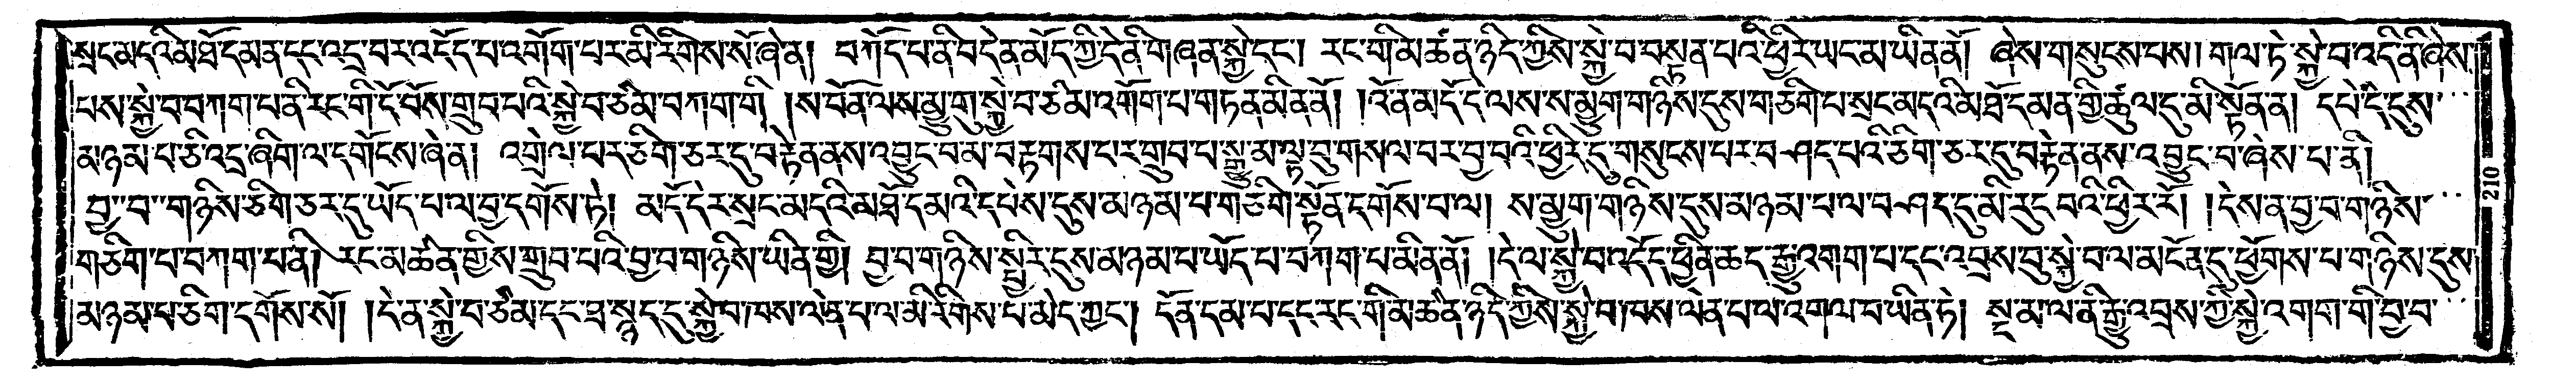སྲང་མདའི་མཐོ་དམན་དང་འདྲ་བར་འདོད་པ་འགོག་པར་མི་རིགས་སོ་ཞེ་ན། བཀོད་པ་ནི་བདེན་མོད་ཀྱི་དེ་ནི་གཞན་སྐྱེ་དང་། རང་གི་མཚན་ཉིད་ཀྱིས་སྐྱེ་བ་བསྟན་པའི་ཕྱིར་ཡང་མ་ཡིན་ནོ། ཞེས་གསུངས་པས། གལ་ཏེ་སྐྱེ་བ་འདི་ནི་ཞེས་
པས་སྐྱེ་བ་བཀག་པ་ནི་རང་གི་ངོ་བོས་གྲུབ་པའི་སྐྱེ་བ་ཙམ་བཀག་གི །ས་བོན་ལས་མྱུ་གུ་སྐྱེ་བ་ཙམ་འགོག་པ་གཏན་མིན་ནོ། །འོ་ན་མདོ་དེ་ལས་ས་མྱུག་གཉིས་དུས་གཅིག་པ་སྲང་མདའི་མཐོ་དམན་གྱི་ཚུལ་དུ་མི་སྟོན་ན། དཔེ་དེ་དུས་
མཉམ་པ་ཅི་འདྲ་ཞིག་ལ་དགོངས་ཞེ་ན། འགྲེལ་པར་ཅིག་ཅར་དུ་བརྟེན་ནས་འབྱུང་བ་མ་བརྟགས་པར་གྲུབ་པ་སྒྱུ་མ་ལྟ་བུ་གསལ་བར་བྱ་བའི་ཕྱིར་དུ་གསུངས་པར་བཤད་པའི་ཅིག་ཅར་དུ་བརྟེན་ནས་འབྱུང་བ་ཞེས་པ་ནི།
བྱ་བ་གཉིས་ཅིག་ཅར་དུ་ཡོད་པ་ལ་བྱ་དགོས་ཏེ། མདོ་དེར་སྲང་མདའི་མཐོ་དམའི་དཔེས་དུས་མཉམ་པ་གཅིག་སྟོན་དགོས་པ་ལ། སོ་མྱུག་གཉིས་དུས་མཉམ་པ་ལ་བཤད་དུ་མི་རུང་བའི་ཕྱིར་རོ། །དེས་ན་བྱ་བ་གཉིས་
གཅིག་པ་བཀག་བ་ནི། རང་མཚན་གྱིས་གྲུབ་པའི་བྱ་བ་གཉིས་ཡིན་གྱི། བྱ་བ་གཉིས་སྤྱིར་དུས་མཉམ་པ་ཡོད་པ་བཀག་པ་མིན་ནོ། །དེ་ལ་སྐྱེ་བ་འདོད་ཕྱིན་ཆད་རྒྱུ་འགག་པ་དང་འབྲས་བུ་སྐྱེ་བ་ལ་མངོན་དུ་ཕྱོགས་པ་གཉིས་དུས་
མཉམ་པ་ཅིག་དགོས་སོ། །དེ་ནི་སྐྱེ་བ་ཙམ་དང་ཐ་སྙད་དུ་སྐྱེ་བ་ཁས་ལེན་པ་ལ་མི་རིགས་པ་མེད་ཀྱང་། དོན་དམ་པ་དང་རང་གི་མཚན་ཉིད་ཀྱིས་སྐྱེ་བ་ཁས་ལེན་པ་ལ་འགལ་བ་ཡིན་ཏེ། སྔ་མ་ལ་ནི་རྒྱུ་འབྲས་ཀྱི་སྐྱེ་འགག་གི་བྱ་བ་